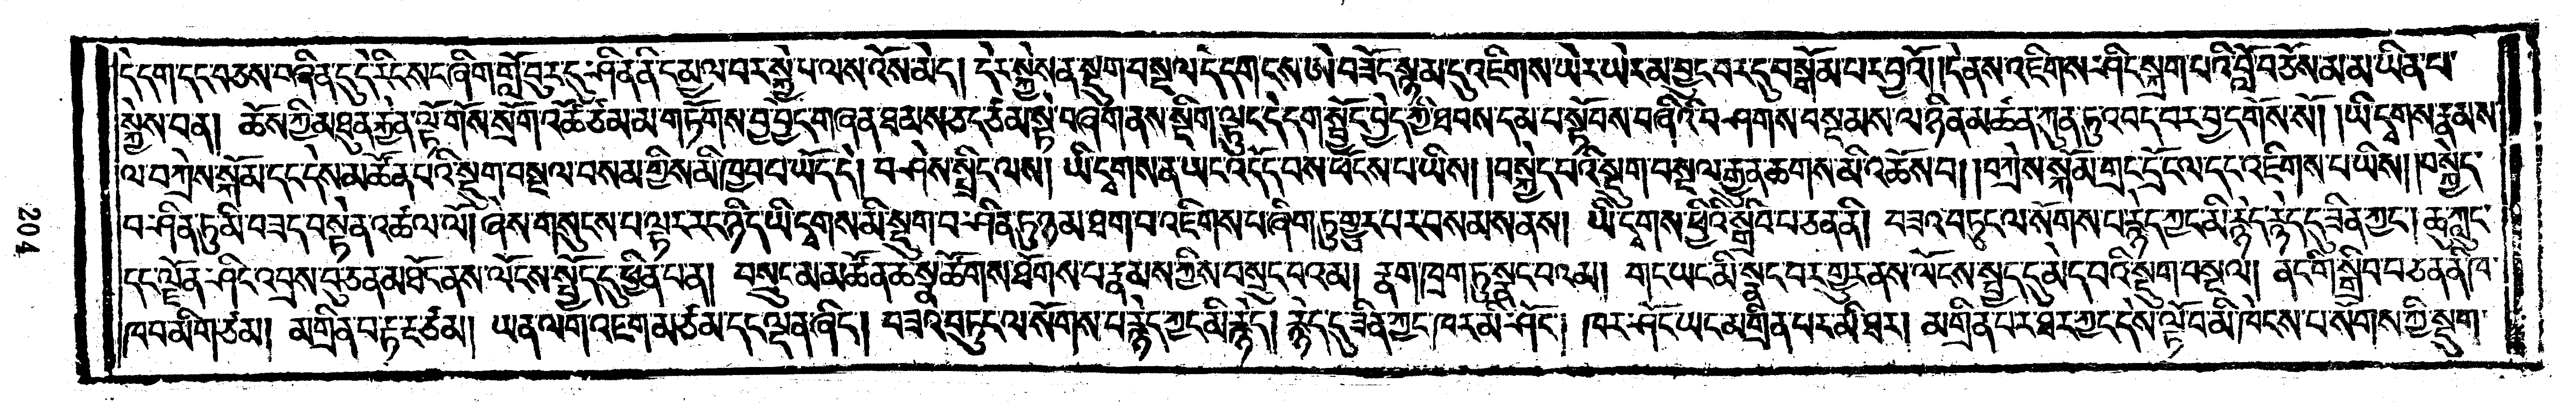དེ་དག་དང་བཅས་བཞིན་དུ་དེ་རིང་སང་ཞིག་གློ་བུར་དུ་ཤིན་ནི་དམྱལ་བར་སྐྱེ་པ་ལས་འོས་མེད། དེར་སྐྱེས་ན་སྡུག་བསྔལ་དེ་དགངས་ཨེ་བཟོད་སྙམ་དུ་འཇིགས་ཡེར་ཡེར་མ་བྱུང་བར་དུ་བསྒོམ་པར་བྱའོ། །དེ་ནས་འཇིགས་ཤིང་སྐྲག་པའི་བློ་བཅོས་མ་མ་ཡིན་པ་
སྐྱེས་བ་ན། ཆོས་ཀྱི་མཐུན་རྐྱེན་ལྟོ་གོས་སྲོག་འཚོ་ཙམ་མ་གཏོགས་བྱ་བྱེད་གཞན་ཐམས་ཅད་ཙམ་སྟེ་བཞག་ནས་སྡིག་ལྟུང་དེ་དག་སྦྱོང་བྱེད་ཀྱི་ཐབས་དམ་པ་སྟོབས་བཞིའི་བཤགས་བསྔམས་ལ་ཉིན་མཚན་ཀུན་ཏུ་འབད་བར་བྱ་དགོས་སོ། །ཡི་དྭགས་རྣམས་
ལ་བཀྲེས་སྐོམ་དང་དེས་མཚོན་པའི་སྡུག་བསྔལ་བསམ་གྱིས་མི་ཁྱབ་པ་ཡོད་དེ། བཤེས་སྤྲིད་ལས། ཡི་དྭགས་ན་ཡང་འདོད་པས་ཕོངས་པ་ཡིས། །བསྐྱེད་པའི་སྡུག་བསྔལ་རྒྱུན་ཆགས་མི་འཆོས་བ། །བཀྲེས་སྐོམ་གྲང་དྲོ་ངལ་དང་འཇིགས་པ་ཡིས། །བསྐྱེད་
བ་ཤིན་ཏུ་མི་བཟད་བསྟེན་འཚལ་ལོ། །ཞེས་གསུངས་པ་ལྟར་རང་ཉིད་ཡི་དྭགས་མི་སྡུག་པ་ཤིན་ཏུ་ཉམ་ཐག་པ་འཇིགས་པ་ཞིག་ཏུ་གྱུར་པར་བསམས་ནས། ཡི་དྭགས་ཕྱིའི་སྒྲིབ་པ་ཅན་ནི། བཟའ་བཏུང་ལ་སོགས་པ་རྙེད་ཀྱང་མི་རྙེད་རྙེད་དུ་ཟིན་ཀྱང་། ཆུ་ཀླུང་
དང་ལྗོན་ཤིང་འབྲས་བུ་ཅན་མཐོང་ནས་ལོངས་སྤྱོད་དུ་ཕྱིན་པ་ན། བསྲུང་མ་མཚོན་ཆ་སྣ་ཚོགས་ཐོགས་པ་རྣམས་ཀྱིས་བསྲུང་བའམ། རང་ཁྲག་ཏུ་སྣང་བའམ། གང་ཡང་མི་སྣང་བར་གྱུར་ནས་ལོངས་སྤྱད་དུ་མེད་པའི་སྡུག་བསྔལ། ནང་གི་སྒྲིབ་པ་ཅན་ནི་ཁ་
ཁབ་མིག་ཙམ། མགྲིན་པ་རྟ་རྔ་ཙམ། ཡན་ལག་འཇག་མ་ཙམ་དང་ལྡན་ཞིང་། བཟའ་བཏུང་ལ་སོགས་པ་རྙེད་ཀྱང་མི་རྙེད། རྙེད་དུ་ཟིན་ཀྱང་ཁར་མི་ཤོང་། ཁར་ཤོང་ཡང་མགྲིན་པར་མི་ཐར། མགྲིན་པར་ཐར་ཀྱང་དེས་ལྟོ་བ་མི་ཁེངས་པ་སོགས་ཀྱི་སྡུག་